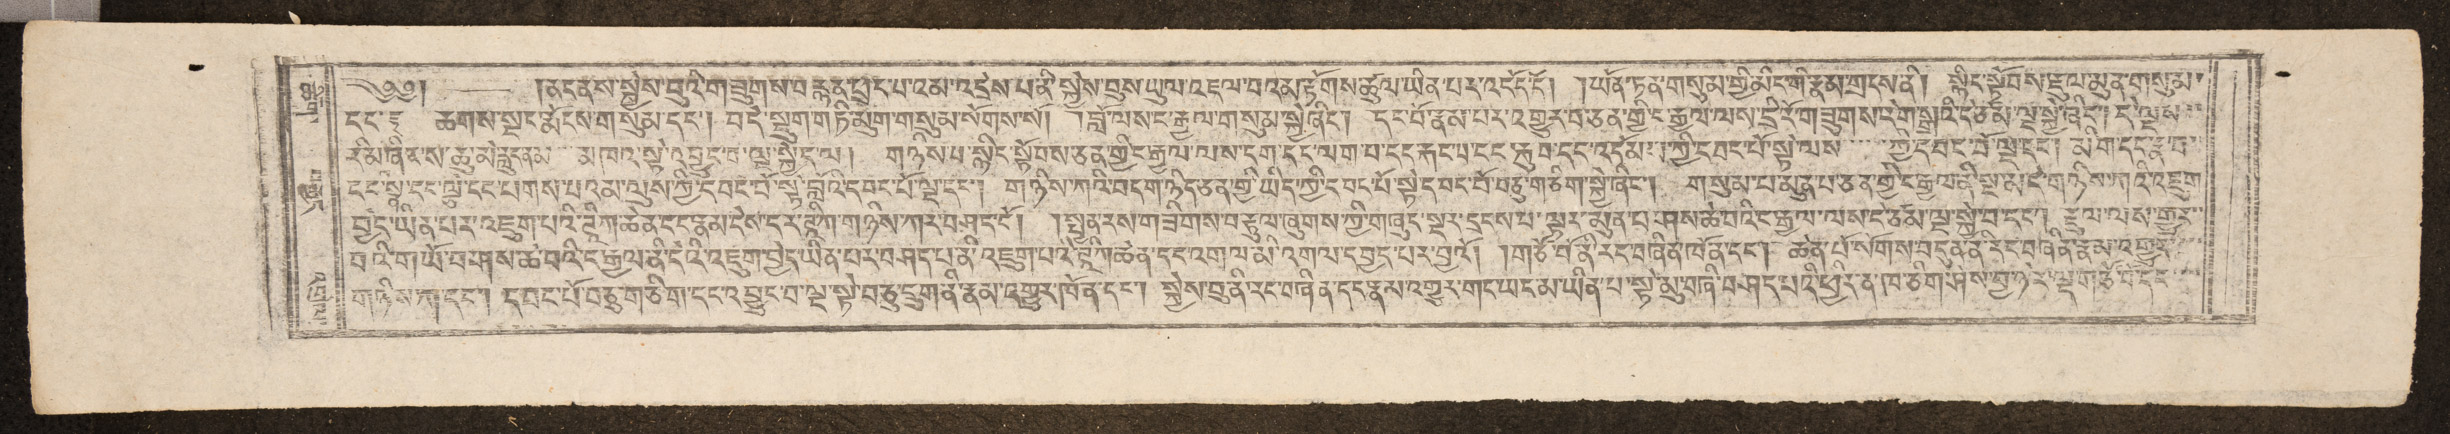༄༅། །ནང་ནས་སྐྱེས་བུའི་གཟུགས་བརྙན་ཕྲད་པའམ་འདྲེས་པ་ནི་སྐྱེས་བུས་ཡུལ་འཇལ་བའམ་རྟོགས་ཚུལ་ཡིན་པར་འདོད་དོ། །ཡོན་ཏན་གསུམ་གྱི་མིང་གི་རྣམ་གྲངས་ནི། སྙིང་སྟོབས་རྡུལ་མུན་གསུམ་
དང༑ ཆགས་སྡང་རྨོངས་གསུམ་དང་། བདེ་སྡུག་གཏི་མུག་གསུམ་སོགས་སོ། །བློ་ལ་སངས་རྒྱས་གསུམ་སྐྱེ་ཞིང་། དང་པོ་རྣམ་པར་འགྱུར་བ་ཅན་གྱི་ང་རྒྱལ་ལས་དྲི་རོ་གཟུགས་རེག་སྒྲའི་དེ་ཙམ་ལྔ་སྐྱེ་ཞིང་། དེ་ལྔས་
རིམ་བཞིན་ས་ཆུ་མེ་རླུང་ནམ་མཁའ་སྟེ་འབྱུང་བ་ལྔ་སྐྱེད་ལ། གཉིས་པ་སྙིང་སྟོབས་ཅན་གྱི་ང་རྒྱལ་ལས་དག་དང་ལག་པ་དང་རྐང་པ་དང་རྐུབ་དང་འདོམས་ཀྱི་དབང་པོ་སྟེ་ལས་ཀྱི་དབང་པོ་ལྔ་དང་། མིག་དང་རྣ་བ་
དང་སྣ་དང་ལྕེ་དང་པགས་པའམ་ལུས་ཀྱི་དབང་པོ་སྟེ་བློའི་དབང་པོ་ལྔ་དང་། གཉིས་ཀའི་བདག་ཉིད་ཅན་གྱི་ཡིད་ཀྱི་དབང་པོ་སྟེ་དབང་པོ་བཅུ་གཅིག་སྐྱེ་ཞིང་། གསུམ་པ་མུན་པ་ཅན་གྱི་ང་རྒྱལ་ནི་སྔ་མ་དེ་གཉིས་ཀའི་འཇུག་
བྱེད་ཡིན་པར་འཇུག་པའི་ཊཱིཀ་ཆེན་དང་རྣམ་ངེས་དར་ཊཱིཀ་གཉིས་ཀར་བཤད་དོ། །སྤྱན་རས་གཟིགས་བརྟུལ་ཞུགས་ཀྱི་གཞུང་སྔར་དྲངས་པ་ལྟར་མུན་པ་ཤས་ཆེ་བའི་ང་རྒྱལ་ལས་དེ་ཙམ་ལྔ་སྐྱེ་བ་དང་། རྡུལ་ལས་གྱུར་
བའི་གཡོ་བ་ཤས་ཆེ་བའི་ང་རྒྱལ་ནི་དེའི་འཇུག་བྱེད་ཡིན་པར་བཤད་པ་ནི་འཇུག་པའི་ཊཱིཀ་ཆེན་དང་འགལ་མི་འགལ་དཔྱད་པར་བྱའོ། །གཙོ་བོ་ནི་རང་བཞིན་ཁོ་ན་དང་། ཆེན་པོ་སོགས་བདུན་ནི་རང་བཞིན་རྣམ་འགྱུར་
གཉིས་ཀ་དང་། དབང་པོ་བཅུ་གཅིག་དང་འབྱུང་བ་ལྔ་སྟེ་བཅུ་དྲུག་ནི་རྣམ་འགྱུར་ཁོ་ན་དང་། སྐྱེས་བུ་ནི་རང་བཞིན་དང་རྣམ་འགྱུར་གང་ཡང་མ་ཡིན་པ་སྟེ་མུ་བཞི་བཤད་པའི་ཕྱིར་ན་ཁ་ཅིག་ཤེས་བྱ་ཉེར་ལྔ་གཙོ་བོ་དང་